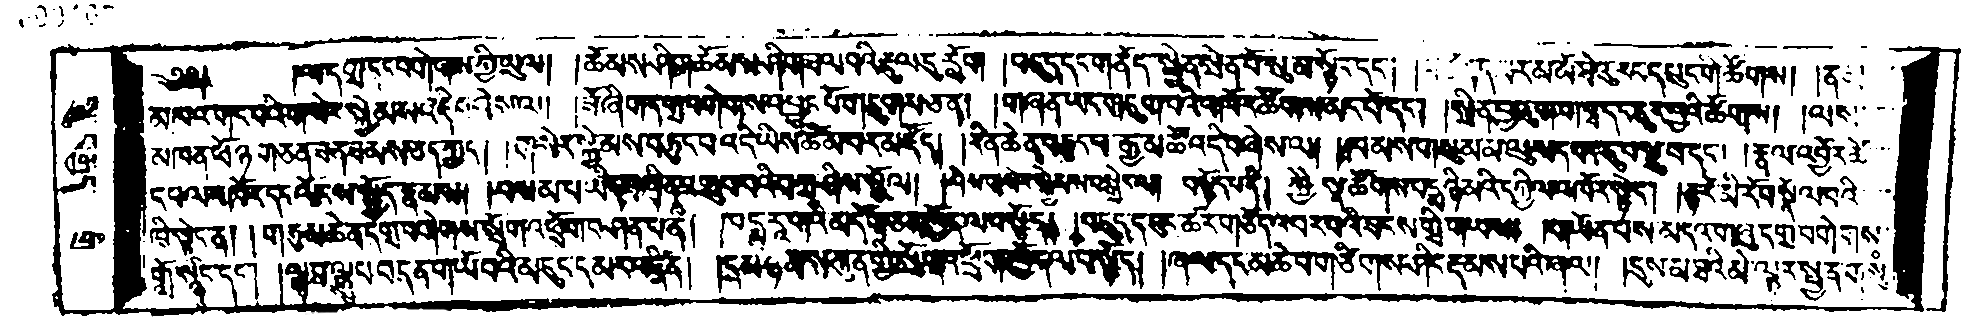༄༅། །ལ་དགྲ་དང་བགེགས་ཀྱི་ཡུལ། །ཆོམས་ཤིག་ཆོམས་ཤིག་ཐལ་བའི་རྡུལ་དུ་རློག །བདུད་དང་གནོད་སྦྱིན་སྲིན་པོ་སུམ་སྟོང་དང་། །བཙན་དམར་མ་མོ་ཐེའུ་རང་དཔུང་གི་ཚོགས། །ནམ་
མཁའ་གང་བའི་གསེར་སྐྱེམས་འདི་བཞེས་ལ། །ཟོ་ཞིག་དགྲ་བགེགས་འབྱུང་བོ་གདུག་པ་ཅན། །གཞན་ཡང་གདུག་པའི་འཁོར་ཚོགས་མང་པོ་དང་། །སྲིན་བྱའུ་ག་བ་ཁྭ་དང་དུར་བྱའི་ཚོགས། །ལས་
མཁན་ཕོ་ཉ་གཅན་ཟན་ཐམས་ཅད་ཀྱང་། །གསེར་སྐྱེམས་བཏུང་བ་འདི་ཡིས་ཚིམ་པར་མཛོད། །རིན་ཆེན་བཏུང་བ་རྒྱ་མཚོ་འདི་བཞེས་ལ། །ཁམས་གསུམ་མ་ལུས་དབང་དུ་བསྡུ་བ་དང་། །རྣལ་འབྱོར་ཚེ་
དཔལ་འཁོར་དང་ལོངས་སྤྱོད་རྣམས། །བསམ་པ་ཡིད་བཞིན་འགྲུབ་པའི་བཀྲ་ཤིས་སྩོལ། ། ཞེས་གསེར་སྐྱེམས་བསྒྲེང་ལ། བསྟོད་པ་ནི།  ཀྱཻ་སྣ་ཚོགས་པདམ་ཉི་མའི་དཀྱིལ་འཁོར་སྟེང་། །རྟ་རོ་མི་རོ་བསྣོལ་བའི་
ཁྲི་སྟེང་ན། །གཏུམ་ཆེན་དགྲ་བགེགས་སྲོག་འཕྲོག་བཤན་པ་ནི། །པདམ་རཱ་གའི་མདོག་ཅན་ཁྱོད་ལ་བསྟོད། །བདུད་དཔུང་ཚར་གཅོད་འབར་བའི་ཟངས་གྲི་གཡས། །གཡོན་པས་མདའ་གཞུ་དགྲ་བགེགས་
གློ་སྙིང་དང་། །ལྷབ་ལྷུབ་བདན་གཡོ་བའི་མདུང་དམར་འཛིན། །དམ་ཉམས་ཀུན་གྱི་སྲོག་འཕྲོག་ཁྱོད་ལ་བསྟོད། །ཞལ་དང་མཆེ་བ་གཙིགས་ཤིང་རྡམས་པའི་ཞལ། །དུས་མཐའི་མེ་ལྟར་སྤྱན་གསུམ་